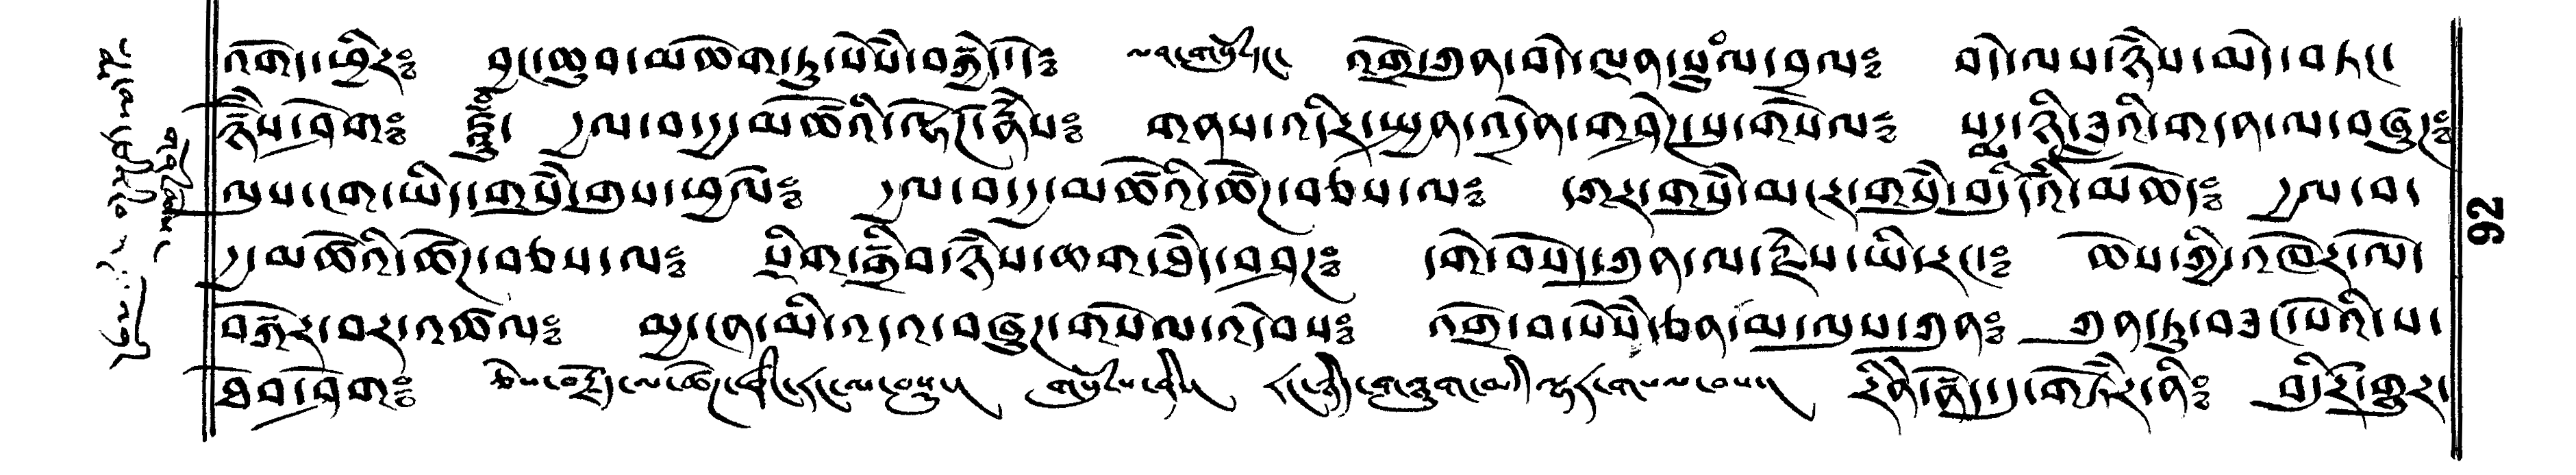འགོད་ཕྱིར༔ བྱང་ཆུབ་མཆོག་ཏུ་སེམས་བསྐྱེད་དོ༔ ལན་གསུམ་དང་། འགྲོ་ཀུན་བདེ་ལྡན་སྡུག་བསྔལ་བྲལ༔ བདེ་ལས་ཉམས་མེད་བཏང་
སྙོམས་ཤོག༔ ཧཱུྃ༔ རྒྱལ་བ་རྒྱ་མཚོའི་ལྷ་ཚོགས་རྣམས༔ གནས་འདིར་སྤྱན་འདྲེན་གཤེགས་སུ་གསོལ༔ པདྨ་ཉི་ཟླའི་གདན་ལ་བཞུགས༔ 
ལུས་ངག་ཡིད་གསུམ་གུས་ཕྱག་འཚལ༔ རྒྱལ་བ་རྒྱ་མཚོའི་ཚོགས་བཅས་ལ༔ དཀར་གསུམ་མངར་གསུམ་བདུད་རྩིས་མཆོད༔ རྒྱལ་བ་
རྒྱ་མཚོའི་ཚོགས་བཅས་ལ༔ སྡིག་སྒྲིབ་ཉམས་ཆག་ཐམས་ཅད་བཤགས༔ དགེ་བསོད་ཀུན་ལ་རྗེས་ཡི་རང༔ ཆོས་ཀྱི་འཁོར་ལོ་
བསྐོར་བར་འཚལ༔ མྱ་ངན་མི་འདའ་བཞུགས་གསོལ་འདེབས༔ འགྲོ་བ་སེམས་ཅན་མ་ལུས་ཀུན༔ ཀུན་ཏུ་བཟང་པོའི་ས་
ཐོབ་ཤོག༔ ཅེས་བརྗོད་ལ་ཚོགས་ཞིང་རང་ལ་བསྡུ། གསུམ་པ་ནི། རང་ཉིད་གཉུག་མའི་ལྷར་གསལ་བས། རིན་ཆེན་སྣོད་དུ་གཏོར་མ་ནི༔ བདུད་རྩིར་གྱུར་